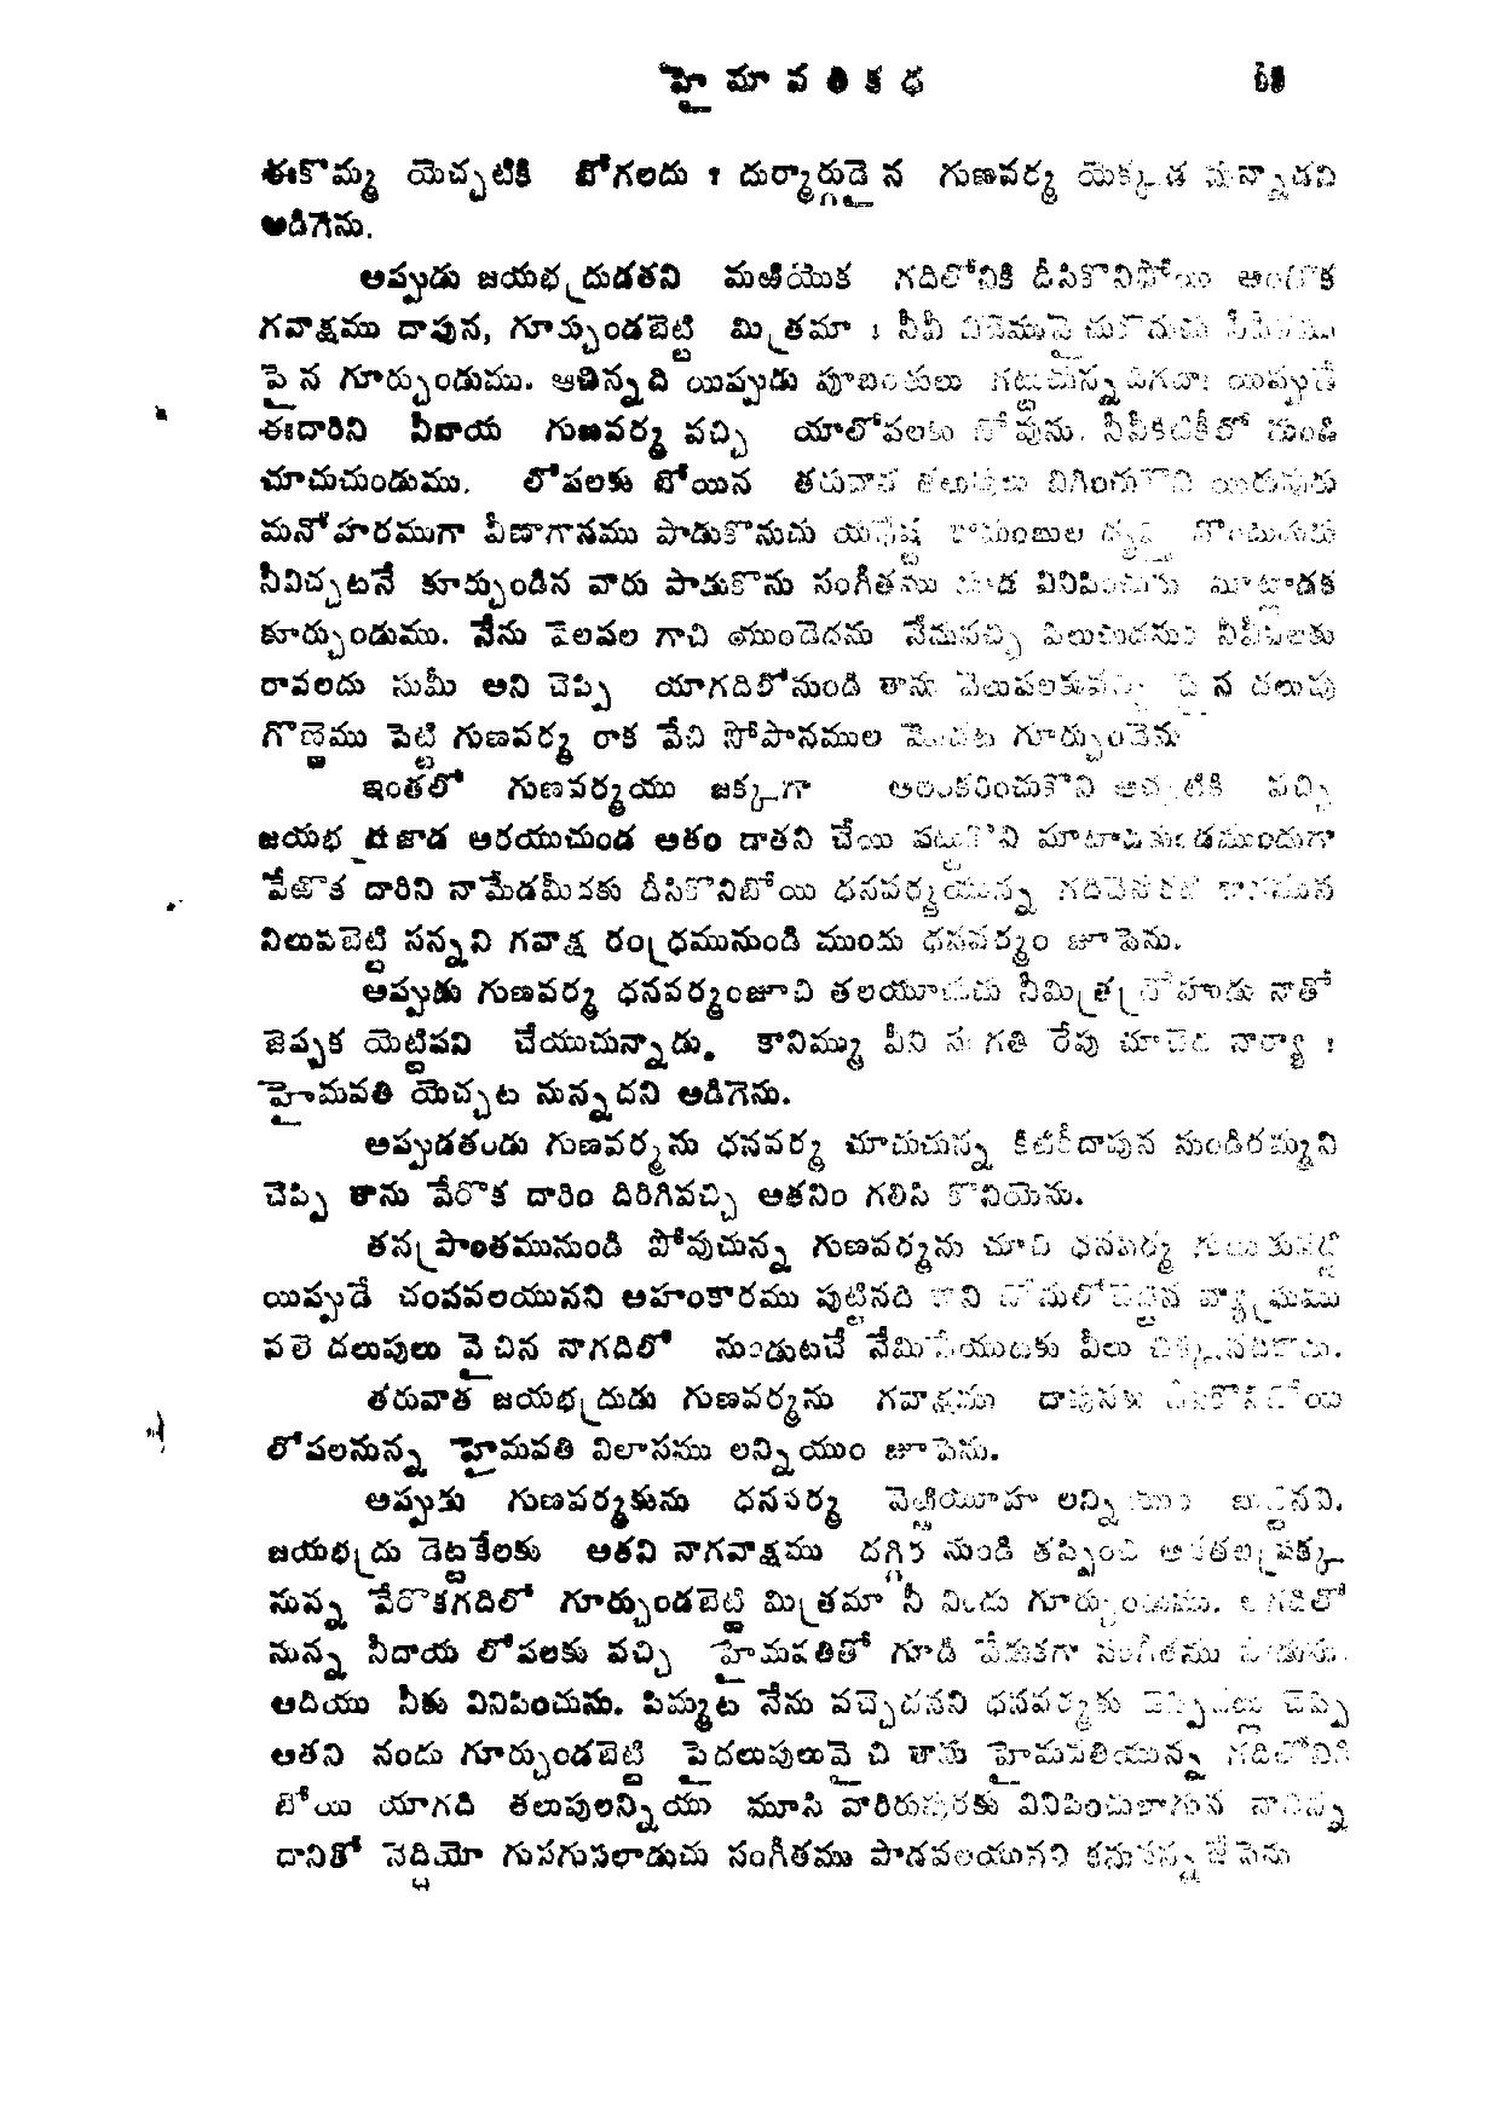ఈకొమ్మ యెచ్చటికి బోగలదు? దుర్మార్గుడైన గుణవర్మ యెక్కడ నున్నాడని అడిగెను.

అప్పుడు జయభద్ రుడతని మఱియొకగదిలోనికి దీసికొనిపోయి అందొక గవాక్షము దాపున గూర్చుండబెట్టి మిత్రమా ! నీ వీవిడెము వైచుకొనుచు నీపీఠముపైన గూర్చుండుము. ఆచిన్నది యిప్పుడు పూబంతులు గట్టుచున్నదిగదా? యిప్పుడే ఈదారిని నీచాయ గుణవర్మ వచ్చి యాలోపలకు బోవును. నీ వీకిటికిలో నుండి చూచుచుండుము. లోపలకు బోయిన తరువాత తలుపులు బిగించుకొని యిరువురు మనోహరముగా వీణాగానము పాడుకొనుచు యథేష్టకామంబుల దృప్తి నొందుదురు.
నీ విచ్చటనే కూర్చుండిన వారు పాడుకొను సంగీతము కూడ వినిపించును. మాట్లాడక కూర్చుండుము. నేను వెలపల గాచి యుండెదను. నేనువచ్చి పిలుచుదనుక నీ వీవలకు రావలదు సుమీ అని చెప్పి యాగదిలోనుండి తాను వెలుపలకువచ్చి పైన దలుపు గొణ్ణెము పెట్టి గుణవర్మ రాక వేచి సోపానముల . మొదట గూర్చుండెను.

ఇంతలో గుణవర్మయు జక్కగా అలంకరించుకొని అచ్చటికి వచ్చి జయభద్రుజాడ అరయుచుండ అతం డాతని చేయి పట్టుకొని మాటాడకుండముందుగా వేఱొకదారిని నామేడమీదకు దీసికొనిబోయి ధనవర్మయున్న గదివెనుకటి భాగమున నిలువబెట్టి సన్నని గవాక్షరంధ్రమునుండి ముందు ధనవర్మం జూపెను.

అప్పుడు గుణవర్మ ధనవర్మంజూచి తలయూచుచు నీమిత్రద్రోహుడు నాతో జెప్పక యెట్టిపని చేయుచున్నాడు. కానిమ్ము వీని సంగతి రేపు చూచెద. నార్యా! హైమవతి యెచ్చట నున్నదని అడిగెను.

అప్పుడతండు గుణవర్మను ధనవర్మ చూచుచున్న కిటికీదాపున నుండి రమ్మని చెప్పి తాను వేరొకదారిం దిరిగివచ్చి అతనిం గలిసికొనియెను.

తనప్రాంతమునుండి పోవుచున్న గుణవర్మను చూచి ధనవర్మ గుఱుతుపట్టి యిప్పుడే చంపవలయునని అహంకారము పుట్టినది కాని బోనులోబెట్టిన వ్యాఘ్రమువలె దలుపులు వైచిన నాగదిలో నుండుటచే నేమి సేయుటకు వీలు చిక్కినదికాదు.

తరువాత జయభద్రుడు గుణవర్మను గవాక్షము దాపునకు దీసికొనిబోయి లోపలనున్న హైమవతి విలాసము లన్నియుం జూపెను.

అప్పుడు గుణవర్మకును ధనవర్మ వెఱ్ఱియూహ లన్నియుం బుట్టినవి. జయభద్రు డెట్టకేలకు అతని నాగవాక్షము దగ్గిర నుండి తప్పించి అవతలప్రక్క నున్న వేరొకగదిలో గూర్చుండబెట్టి మిత్రమా నీ విందు గూర్పుండుము. ఆగదిలో నున్న నీచాయ లోపలకు వచ్చి హైమవతితో గూడి వేడుకగా సంగీతము పాడును. అదియు నీకు వినిపించును. పిమ్మట నేను వచ్చెదనని ధనవర్మకు జెప్పినట్లు చెప్పి అతని నందు గూర్చుండబెట్టి పైదలుపులువైచి తాను హైమవతియున్న గదిలోనికి బోయి యాగది తలుపులన్నియు మూసి వారిరువురకు వినిపించులాగున నాచిన్నదానితో నెద్దియో గుసగుసలాడుచు సంగీతము పాడవలయునని కనుసన్న జేసెను.